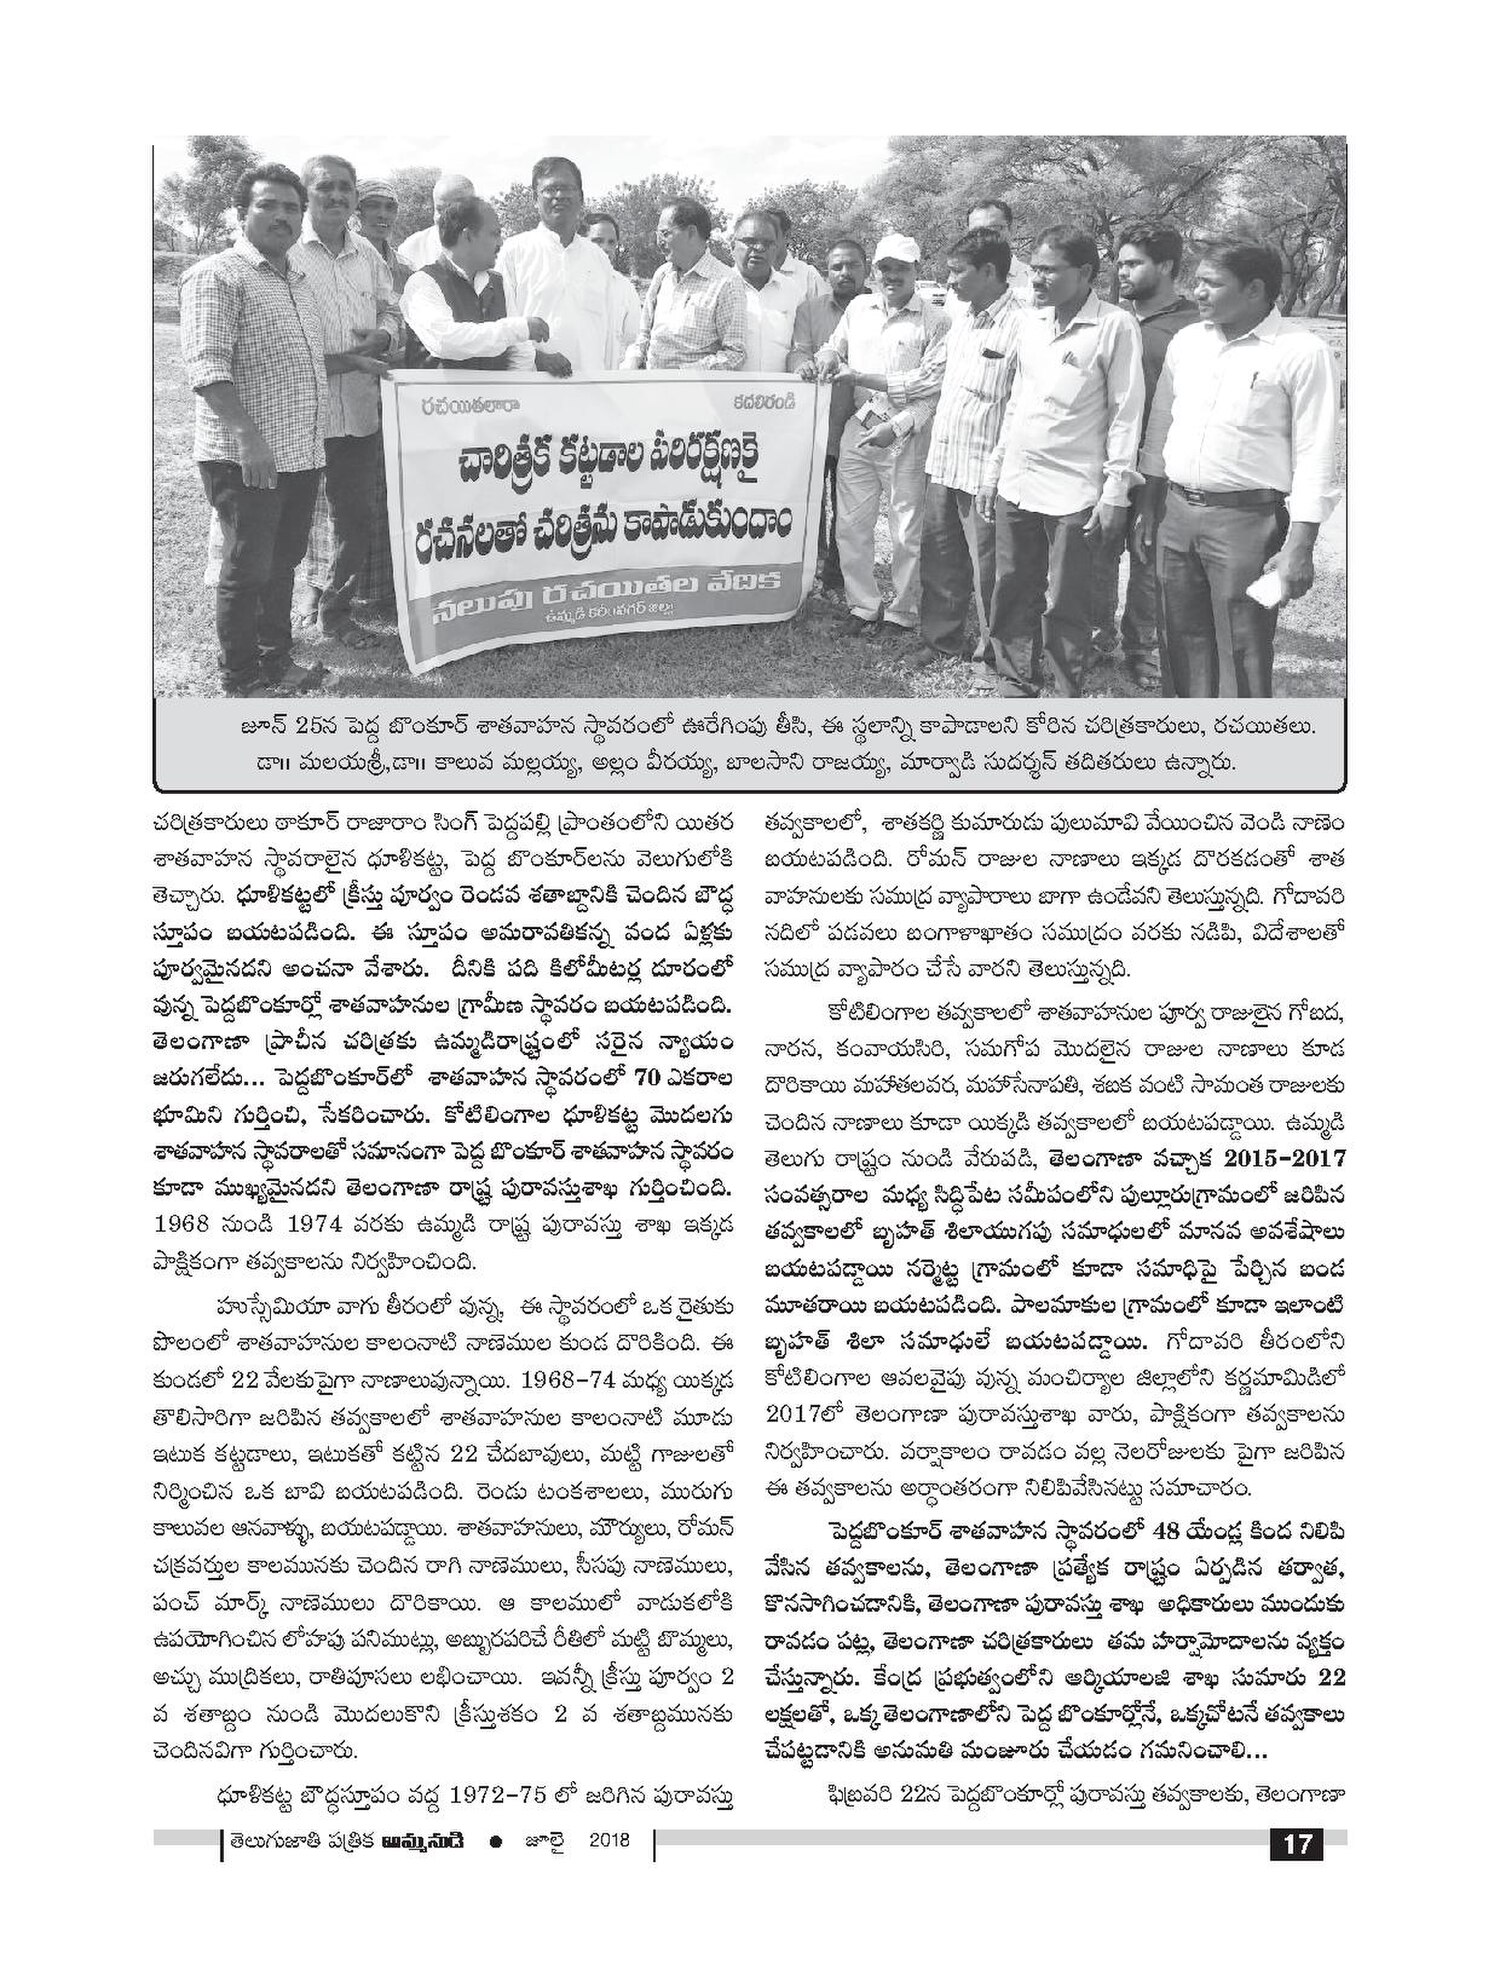చరిత్రకారులు ఠాకూర్ రాజారాం సింగ్ పెద్దపల్లి ప్రాంతంలోని యితర శాతవాహన స్థావరాలైన ధూళికట్ట పెద్ద బొంకూర్‌లను వెలుగులోకి తెచ్చారు. ధూళికట్టలో క్రీస్తు పూర్వం రెండవ శతాబ్దానికి చెందిన బౌద్ధ స్తూపం బయటపడింది. ఈ స్తూపం అమరావతికన్న వంద ఏళ్లకు పూర్వమైనదని అంచనా వేశారు. దీనికి పది కిలోమీటర్ల దూరంలో వున్న పెద్దబొంకూర్లో శాతవాహనుల గ్రామీణ స్థావరం బయటపడింది. తెలంగాణా ప్రాచీన చరిత్రకు ఉమ్మడిరాష్ట్రంలో సరైన న్యాయం జరుగలేదు. పెద్దబొంకూర్‌లో శాతవాహన స్థావరంలో 70 ఎకరాల భూమిని గుర్తించి, సేకరించారు. కోటిలింగాల ధూళికట్ట మొదలగు శాతవాహన స్థావరాలతో సమానంగా పెద్దబొంకూర్ శాతవాహన స్థావరం కూడా ముఖ్యమైనదని తెలంగాణా రాష్ట్ర పురావస్తుశాఖ గుర్తించింది. 1968 నుండి 1974 వరకు ఉమ్మడి రాష్ట్ర పురావస్తుశాఖ ఇక్కడ పాక్షికంగా తవ్వకాలను నిర్వహించింది. 

హుస్సేమియా వాగు తీరంలో వున్న, ఈ స్థావరంలో ఒక రైతుకు పొలంలో శాతవాహనుల కాలంనాటి నాణెముల కుండ దొరికింది. ఈ కొండలో 22 వేలకు పైగా నాణాలువున్నాయి. 1968 - 74 మధ్య యిక్కడ తొలిసారిగా జరిపిన తవ్వకాలలో శాతవాహనుల కాలంనాటి మూడు ఇటుక కట్టడాలు, ఇటుకతో కట్టిన 22 చేదబావులు, మట్టి గాజులతో నిర్మించిన ఒక బావి బయటపడింది. రెండు టంకశాలలు, మురుగు కాలువల ఆనవాళ్ళు, బయటపడ్డాయి. శాతవాహనులు, మౌర్యులు రోమన్ చక్రవర్తుల కాలమునకు చెందిన రాగి నాణెములు, సీసపు నాణెములు, పంచ్ మార్క్ నాణెములు దొరికాయి. ఆ కాలములో వాడుకలోకి ఉపయోగించిన లోహపు పనిముట్లు ,అబ్బురపరిచే రీతిలో మట్టి బొమ్మలు, అచ్చు ముద్రికలు, రాతిపూసలు లభించాయి. ఇవన్నీ క్రీస్తుపూర్వం 2వ శతాబ్దం నుండి మొదలుకొని క్రీస్తుశకం 2 వ శతాబ్దమునకు చెందినవిగా గుర్తించారు. 

ధూళికట్ట బౌద్ధస్తూపం వద్ద 1972 - 75 లో జరిగిన పురావస్తు తవ్వకాలలో శాతకర్ణి కుమారుడు పులుమావి వేయించిన వెంది నాణెం బయటపడింది. రోమన్ రాజుల నాణాలు ఇక్కడ దొరకడంతో శాతవాహనులకు సముద్ర వ్యాపారాలు బాగా ఉండేవని తెలుస్తున్నది. గోదావరి నదిలో పడవలు బంగాళాఖాతం సముద్రం వరకు నడిపి, విదేశాలతో సముద్ర వ్యాపారం చేసే వారిని తెలుస్తున్నది.

కోటిలింగాల తవ్వకాలలో శాతవాహనుల పూర్వ రాజులైన గోబద, నారన, కంవాయసిరి, సమగోప మొదలైన రాజుల నాణాలు కూడ దొరికాయి మహాతలవర, మహాసేనాపతి, శబక వంటి సామంత రాజులకు చెందిన నాణాలు కూడా యిక్కడి తవ్వకాలలో బయటపడ్డాయి ఉమ్మడి తెలుగు రాష్ట్రం నుండి వేరుపడి, తెలంగాణా వచ్చాక 2015 - 2017 సంవత్సరాల మధ్య సిద్ధిపేట సమీపంలోని పుల్లూరుగ్రామంలో జరిపిన తవ్వకాలలో బృహత్ శిలాయుగపు సమాధులలో మానవ అవశేషాలు బయటపడ్డాయి నర్మెట్ట గ్రామంలో కూడా సమాధిపై పేర్చిన బండ మూతరాయి బయటపడింది. పాలమాకుల గ్రామంలో కూడా ఇలాంటి బృహత్ శిలా సమాధులే బయటపడ్డాయి. గోదావరి తీరంలోని కోటిలింగాల ఆవలవైపు వున్న మంచిర్యాల జిల్లాలోని కర్ణమామిడిలో 2017 లో తెలంగాణా పురావస్తుశాఖ వారు, పాక్షికంగా తవ్వకాలను నిర్వహించారు. వర్షాకాలం రావడం వల్ల నెలరోజులకు పైగా జరిపిన ఈ తవ్వకాలను అర్ధాంతరంగా నిలిపివేసినట్టు సమాచారం .

పెద్దబొంకూర్ శాతవాహన స్థావరంలో 48 యేంద్ల కింద నిలిపి వేసిన తవ్వకాలను, తెలంగాణా ప్రత్యేక రాష్ట్రం ఏర్పడిన తర్వాత, కొనసాగించడానికి తెలంగాణా పురావస్తు శాఖ అధికారులు ముందుకు రావడం పట్ల, తెలంగాణా చరిత్రకారులు తమ హర్షామోదాలను వ్యక్తం చేస్తున్నారు. కేంద్ర ప్రభుత్వంలోని ఆర్కియాలజజి శాఖ సుమారు 22 లక్షలతో ఒక్క తెలంగాణాలోని పెద్దబొంకూర్లోనే, ఒక్కచోటనే తవ్వకాలు చేపట్టడానికి అనుమతి మంజూరు చేయడం గమనించాలి.

ఫిబ్రవరి 22న పెద్దబొంకూర్లో పురావస్తు తవ్వకాలకు, తెలంగాణా